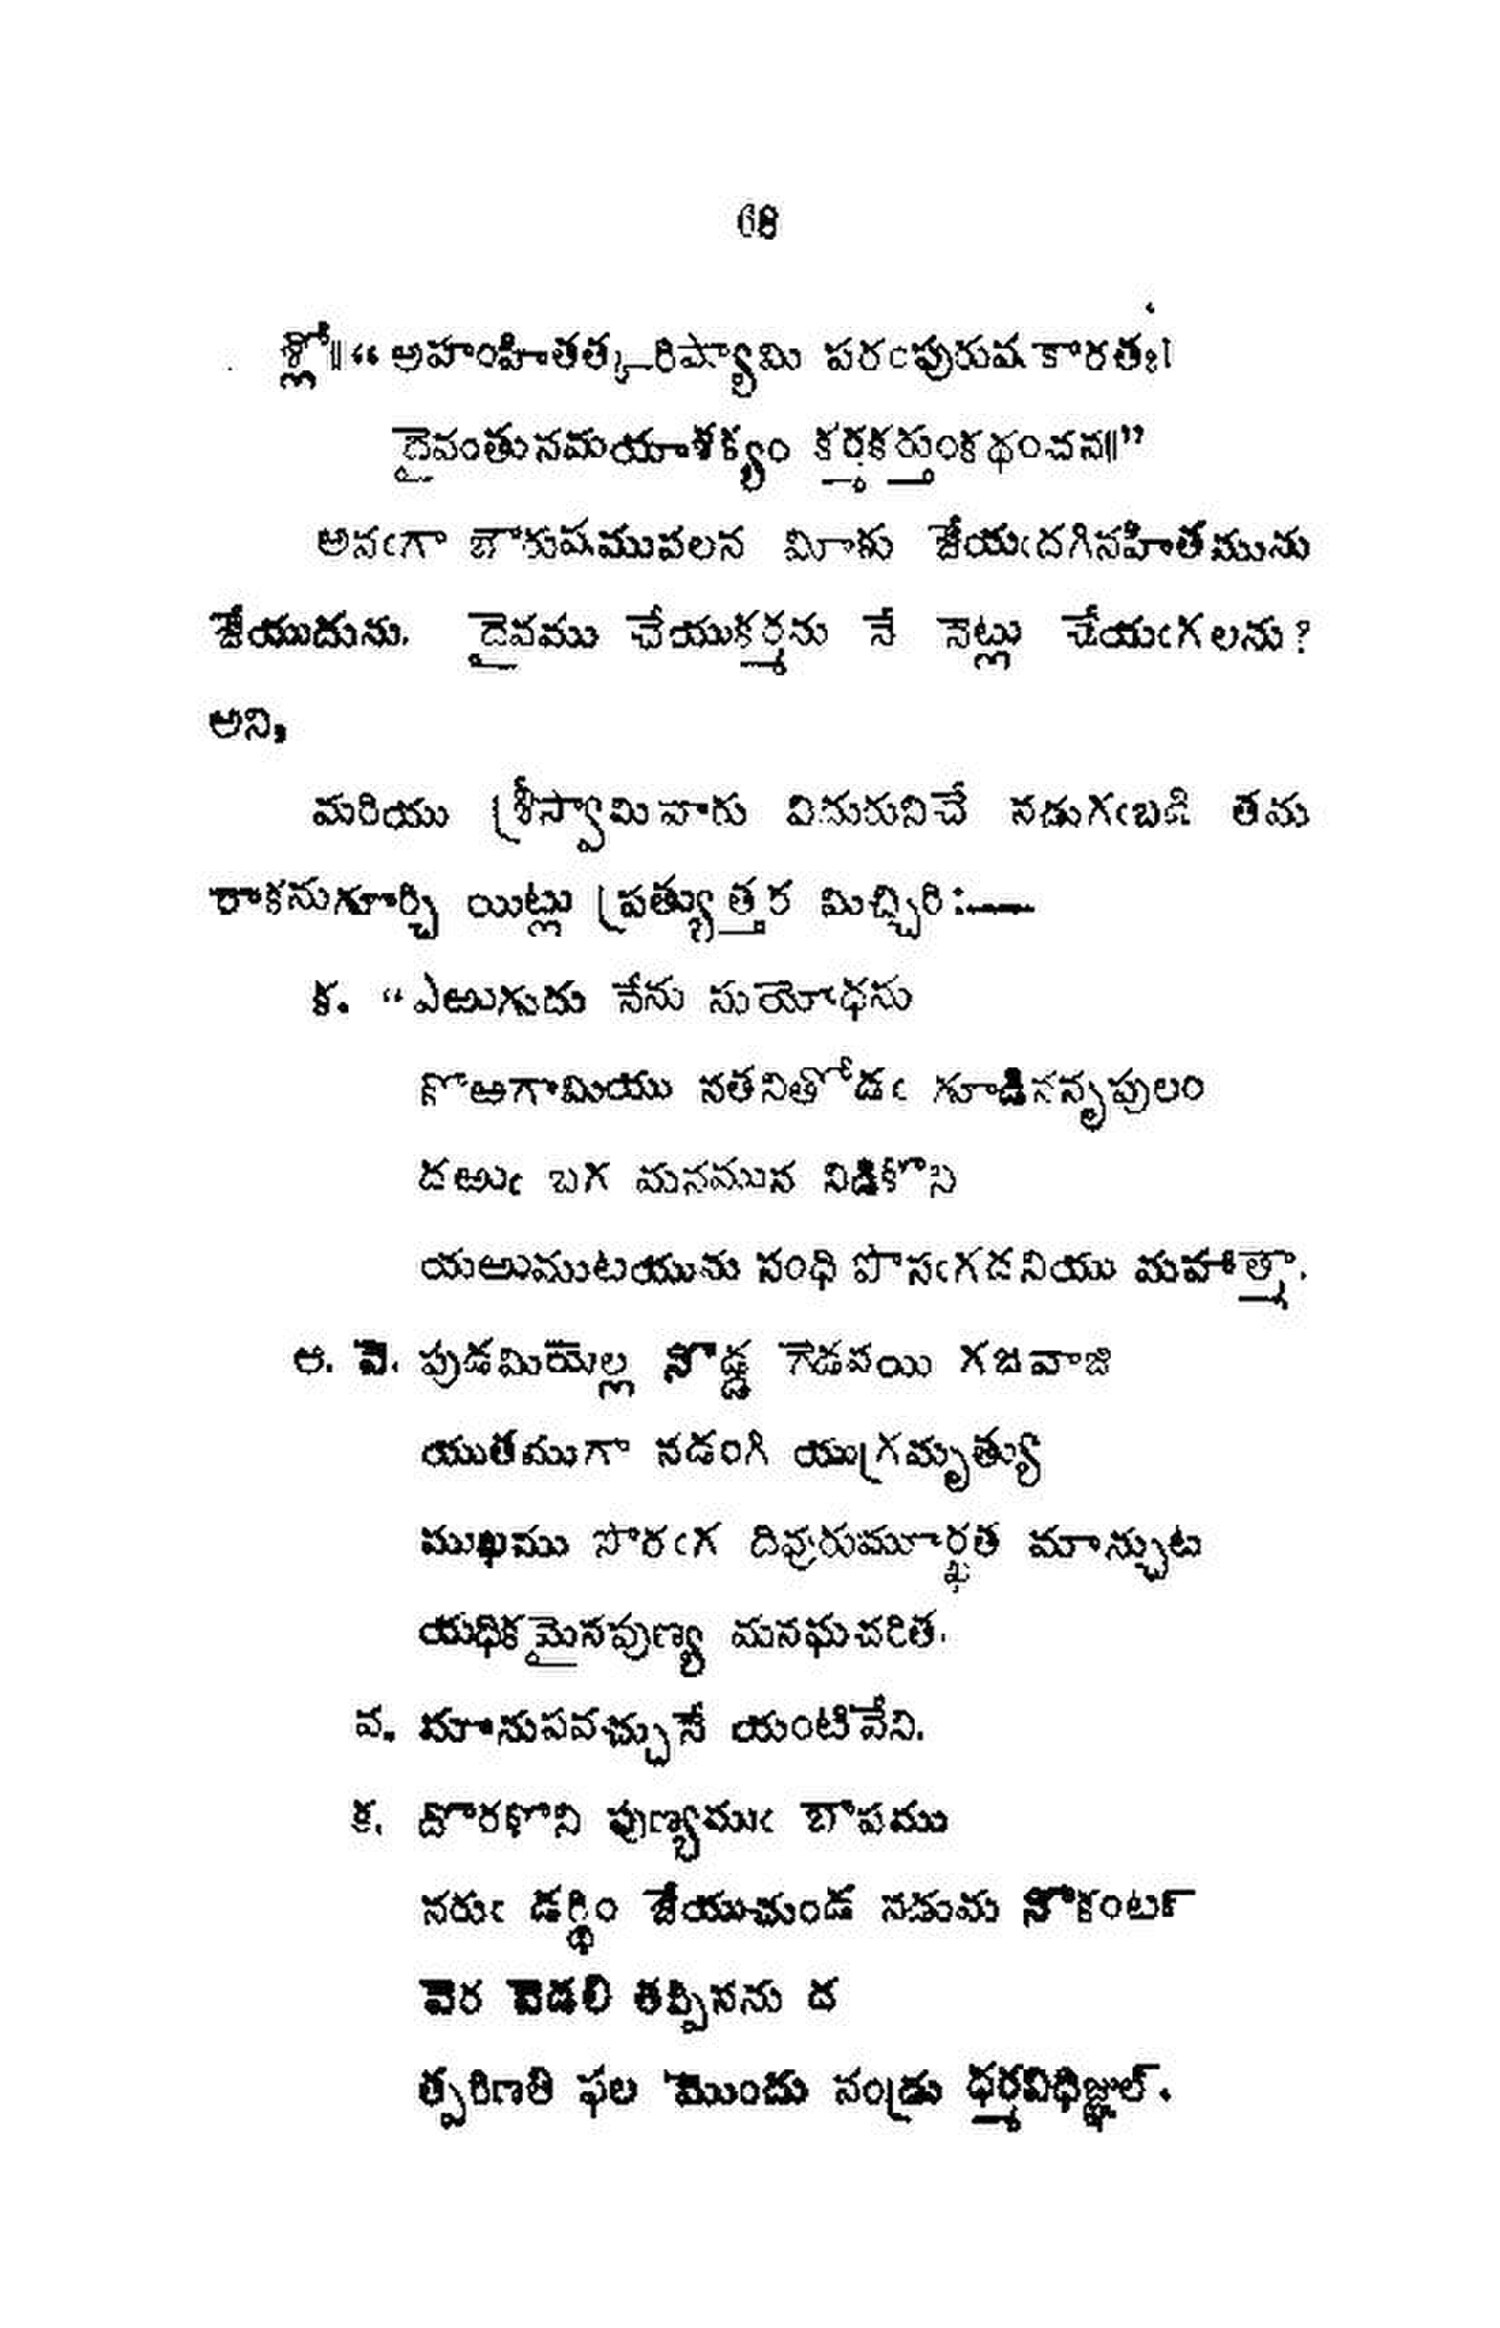శ్లో. "అహంహితత్కరిష్యామి పరంపురుషకారతః!
 దైవంతునమయాశక్యం కర్మకర్తుంకథంచన|| "
అనఁగా బౌరుషమువలన మీకు జేయఁదగినహితమును జేయుదును. దైవము చేయుకర్మను నే నెట్లు చేయఁగలను ? అని,

మరియు శ్రీస్వామివారు విదురునిచే నడుగఁబడి తమ రాకనుగూర్చి యిట్లు ప్రత్యుత్తర మిచ్చిరి:--

క. "ఎఱుగుదు నేను సుయోధను
 కొఱగామియు నతనితోడఁ గూడిననృపులం
 దఱుఁ బగ మనమున నిడికాని
 యఱుముటయును సంధి పొసఁగదనియు మహాత్మా.

ఆ. వె. పుడమియెల్ల నొడ్డ గెడవయి గజవాజి
 యుతముగా నడంగి యుగ్రమృత్యు
 ముఖము సొరఁగ దివురుమూర్ఖత మాన్చుట
 యధికమైనవుణ్య మనఘచరిత.

వ. మానుపవచ్చునే యంటివేని.

క. దొరకొని పుణ్యముఁ బాపము
 నరుఁ డర్థిం జేయుచుండ నడుమ నొకంటన్
 వెర వెడలి తప్పినను ద
 త్పరిణతి ఫల మొందు నండ్రు ధర్మవిధిజ్ఞుల్.